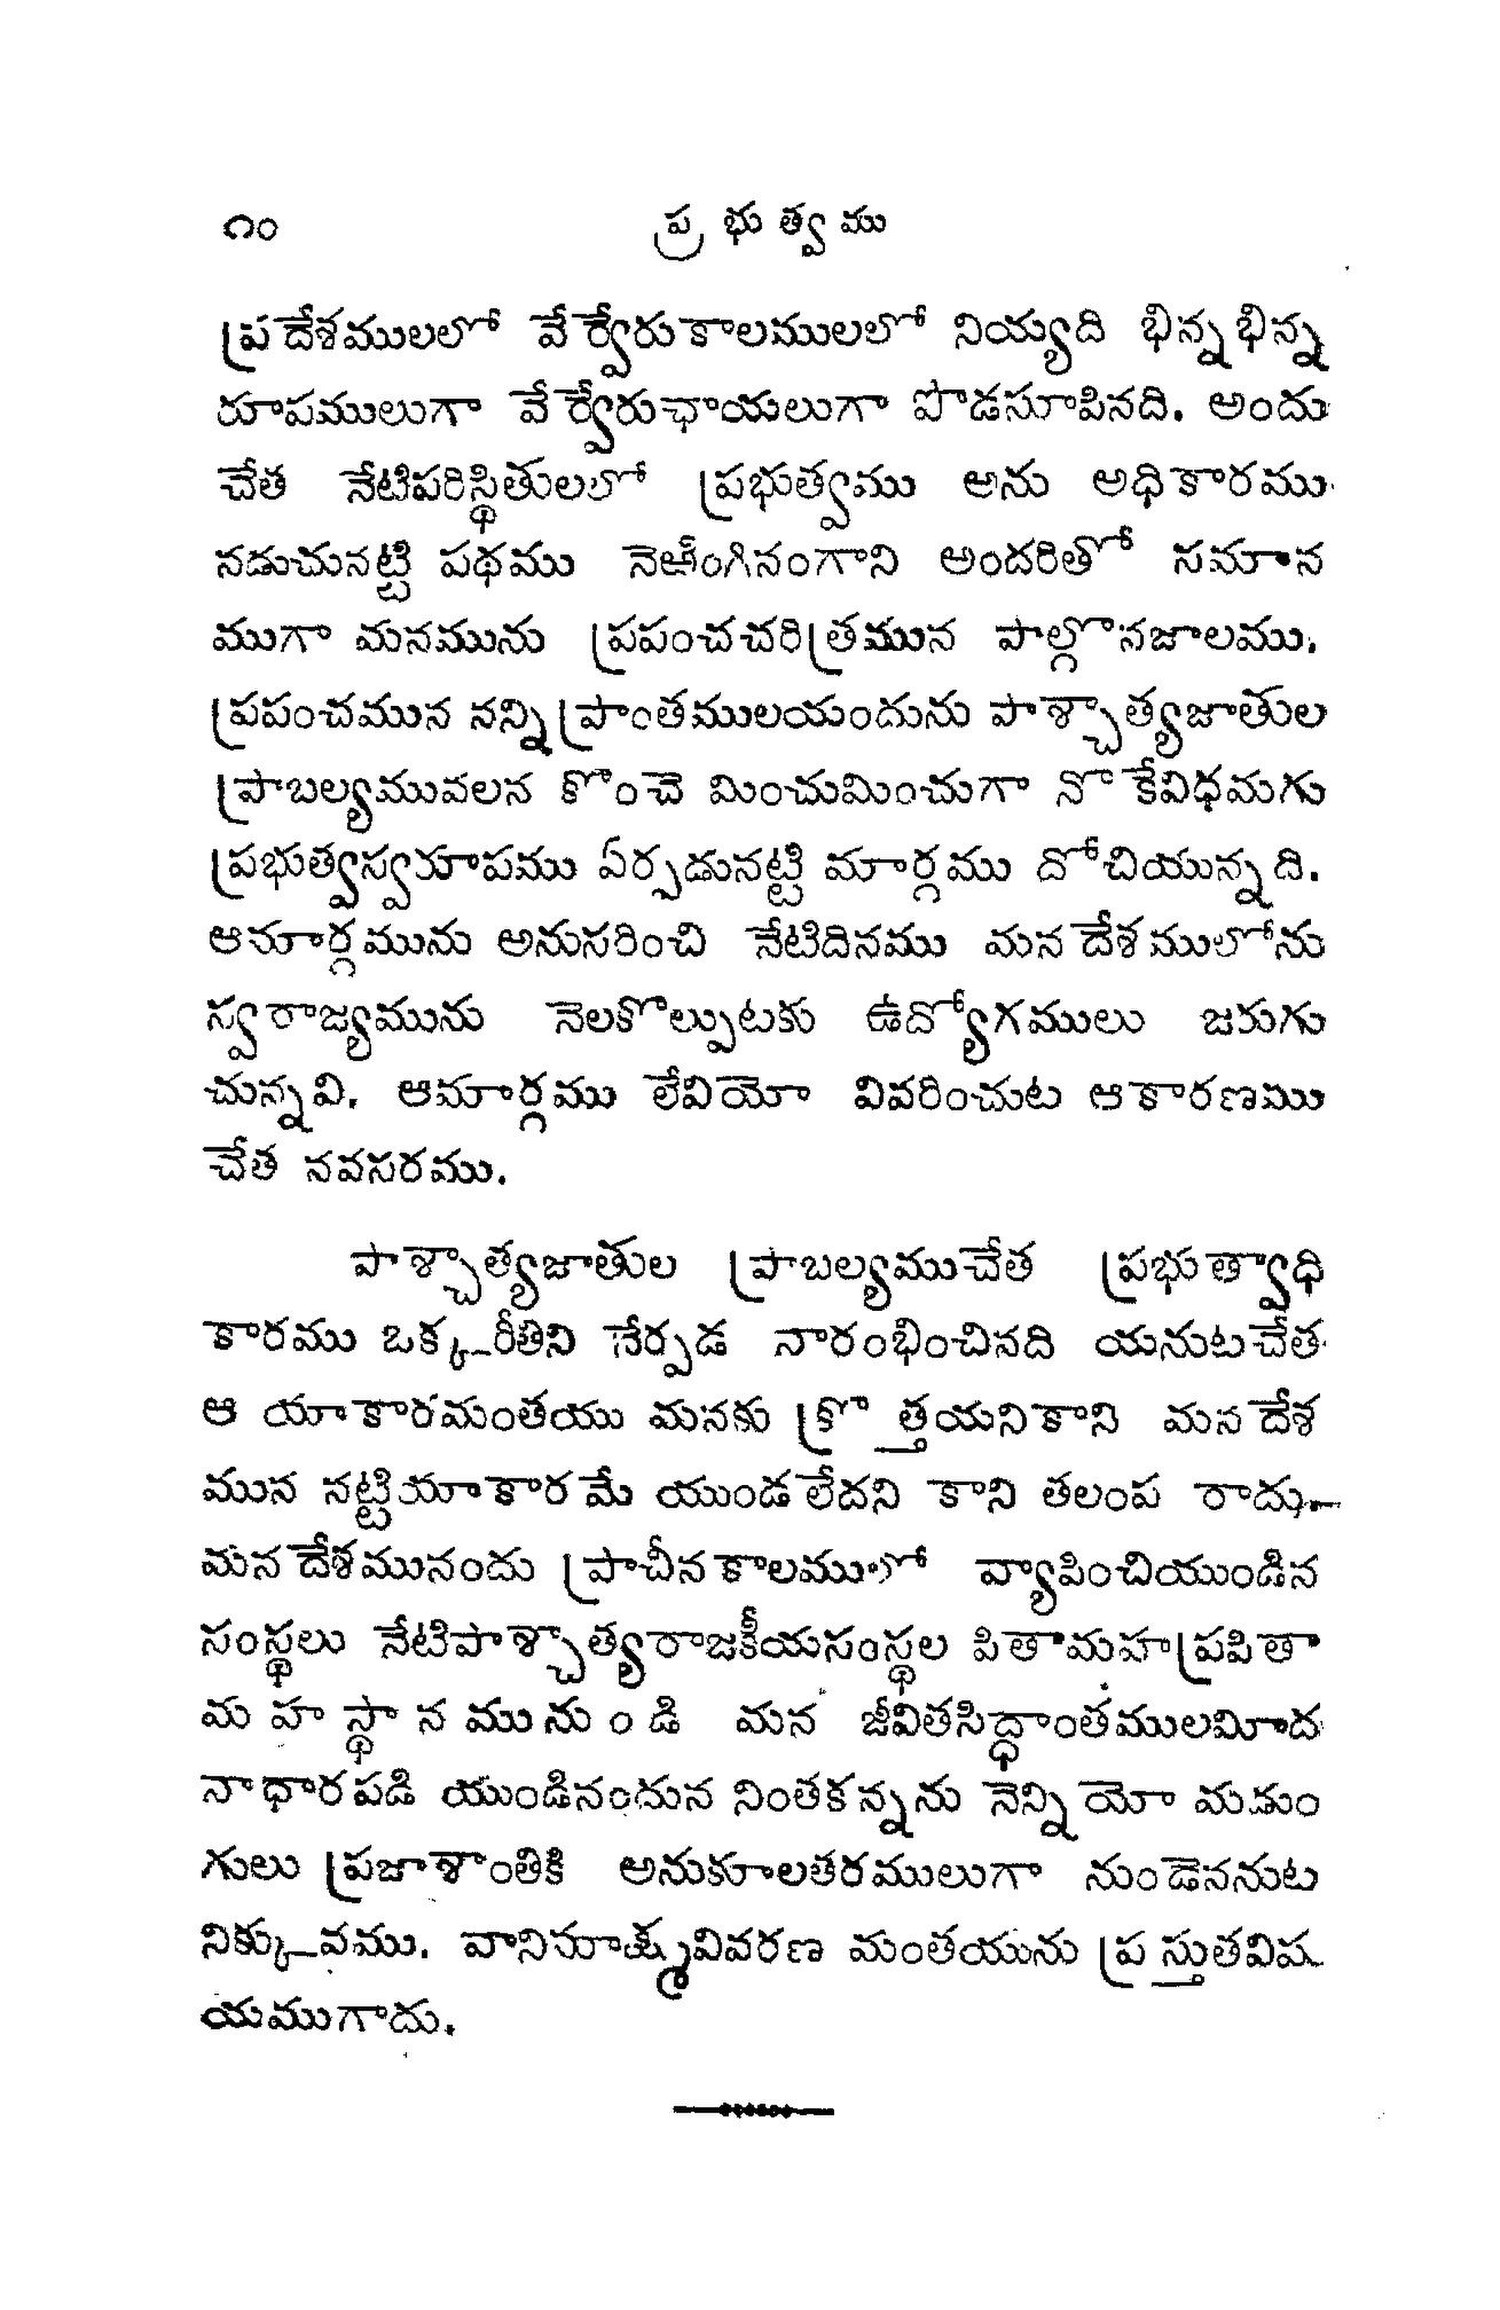ప్రదేశములలో వేర్వేరుకాలములలో నియ్యది భిన్నభిన్న రూపములుగా వేర్వేరుఛాయలుగా పొడసూపినది. అందుచేత నేటిపరిస్థితులలో ప్రభుత్వము అను అధికారము నడుచునట్టి పథము నెఱింగినంగాని అందరితో సమానముగా మనమును ప్రపంచచరిత్రమున పాల్గొనజాలము.
ప్రపంచమున నన్నిప్రాంతములయందును పాశ్చాత్యజాతుల ప్రాబల్యమువలన కొంచె మించు మించుగా నొకేవిధమగు ప్రభుత్వస్వరూపము ఏర్పడునట్టి మార్గము దోచియున్నది. ఆమార్గమును అనుసరించి నేటిదినము మనదేశములోను స్వరాజ్యమును నెలకొల్పుటకు ఉద్యోగములు జరుగు
చున్నవి. ఆమార్గము లేవియో వివరించుట ఆకారణము చేత నవసరము.

పాశ్చాత్యజాతుల ప్రాబల్యముచేత ప్రభుత్వాధికారము ఒక్కరీతిని నేర్పడ నారంభించినది యనుటచేత
ఆ యాకారమంతయు మనకు క్రొత్తయనికాని మనదేశమున నట్టియాకారమే యుండలేదని కాని తలంప రాదు. మనదేశమునందు ప్రాచీనకాలములో వ్యాపించియుండిన సంస్థలు నేటిపాశ్చాత్య రాజకీయసంస్థల పితామహప్రపితామహ స్థానమునుండి మన జీవితసిద్ధాంతములమీద
నాధారపడి యుండినందున నింతకన్నను నెన్నియో మడుంగులు ప్రజాశాంతికి అనుకూల తరములుగా నుండెననుట నిక్కువము. వానిసూక్ష్మవివరణ మంతయును ప్రస్తుతవిషయముగాదు.

__________